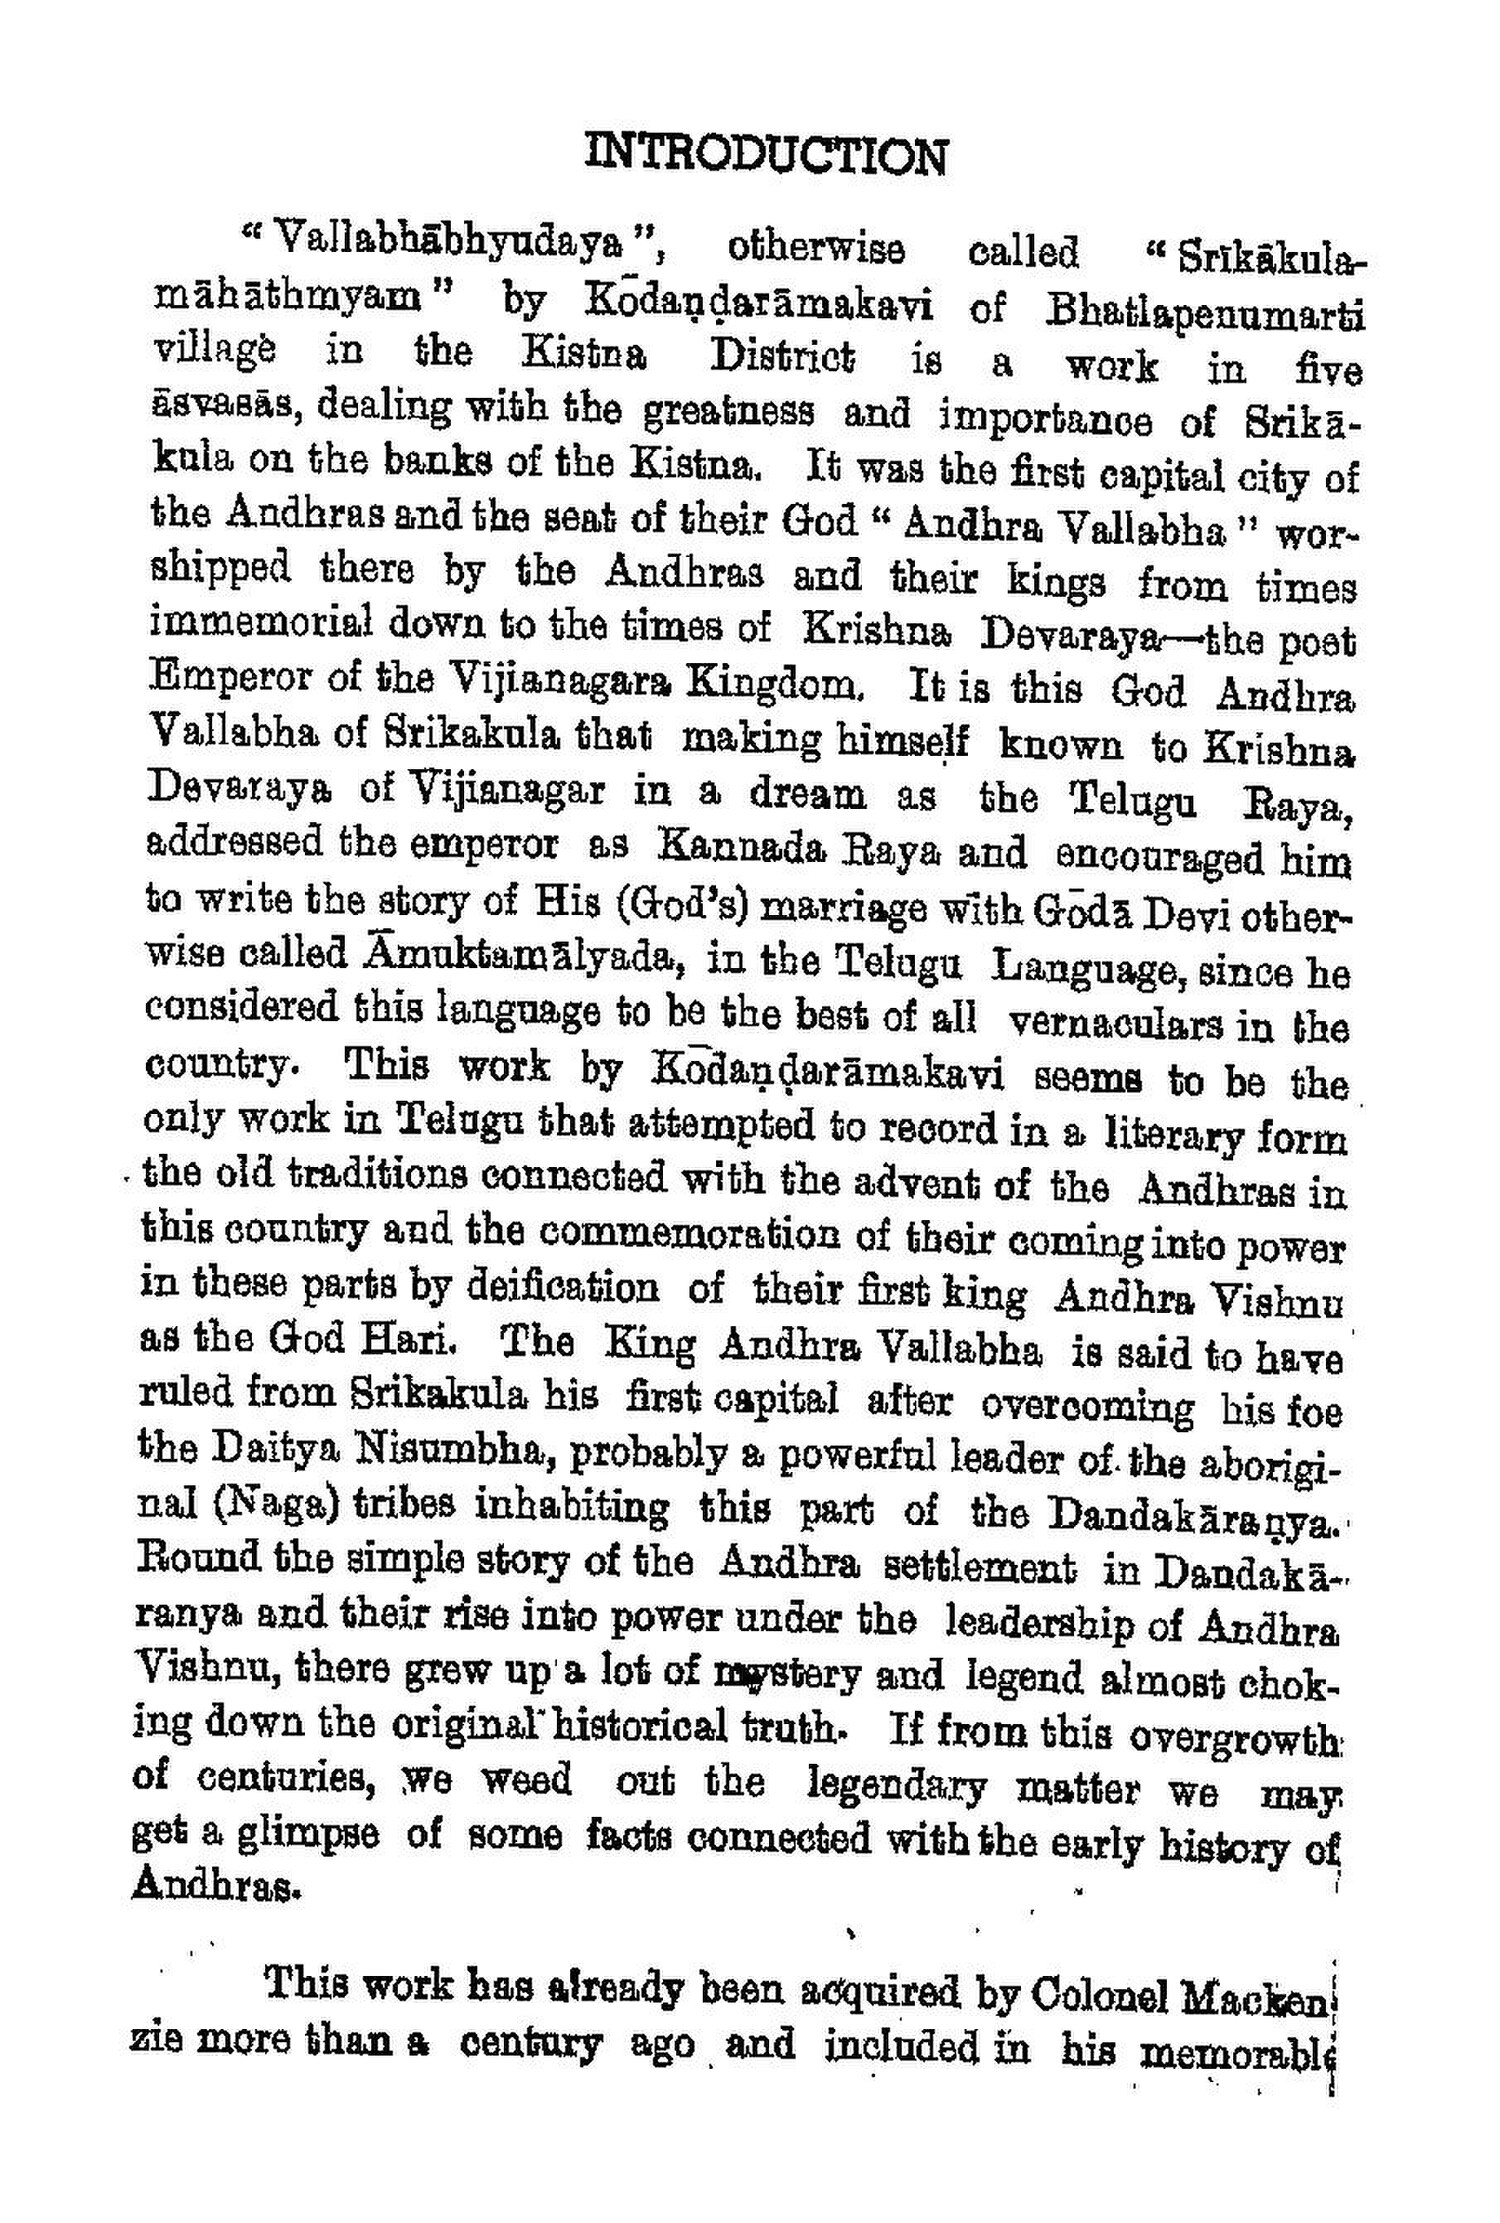INTRODUCTION

"Vallabhābhyudaya”, otherwise called " Srikǎkula-māhāthmyam by Kodandarāmakavi of Bhatlapenumarti
village in the Kistna District is a work in five äsvasās, dealing with the greatness and importance of Srikākula on the banks of the Kistna. It was the first capital city of the Andhras and the seat of their God" Andhra Vallabha" worshipped there by the Andhras and their kings from times immemorial down to the times of Krishna Devaraya-the poet Emperor of the Vijianagara Kingdom. It is this God Andhra Vallabha of Srikakula that making himself known to Krishna Devaraya of Vijianagar in a dream as the Telugu Raya, addressed the emperor as Kannada Raya and encouraged him to write the story of His (God's) marriage with Godā Devi otherwise called Āmuktamālyada, in the Telugu Language, since he considered this language to be the best of all vernaculars in the country. This work by Kodandarāmakavi seems to be the only work in Telugu that attempted to record in a literary form the old traditions connected with the advent of the Andhras in this country and the commemoration of their coming into power in these parts by deification of their first king Andhra Vishnu as the God Hari. The King Andhra Vallabha is said to have ruled from Srikakula his first capital after overcoming his foe the Daitya Nisumbha, probably a powerful leader of the aboriginal (Naga) tribes inhabiting this part of the Dandakāranya. Round the simple story of the Andhra settlement in Dandakāranya and their rise into power under the leadership of Andhra Vishnu, there grew up a lot of mystery and legend almost choking down the original historical truth. If from this overgrowth of centuries, we weed out the legendary matter we may get a glimpse of some facts connected with the early history of Andhras.

This work has already been acquired by Colonel Mackenzie more than a century ago and included in his memorable